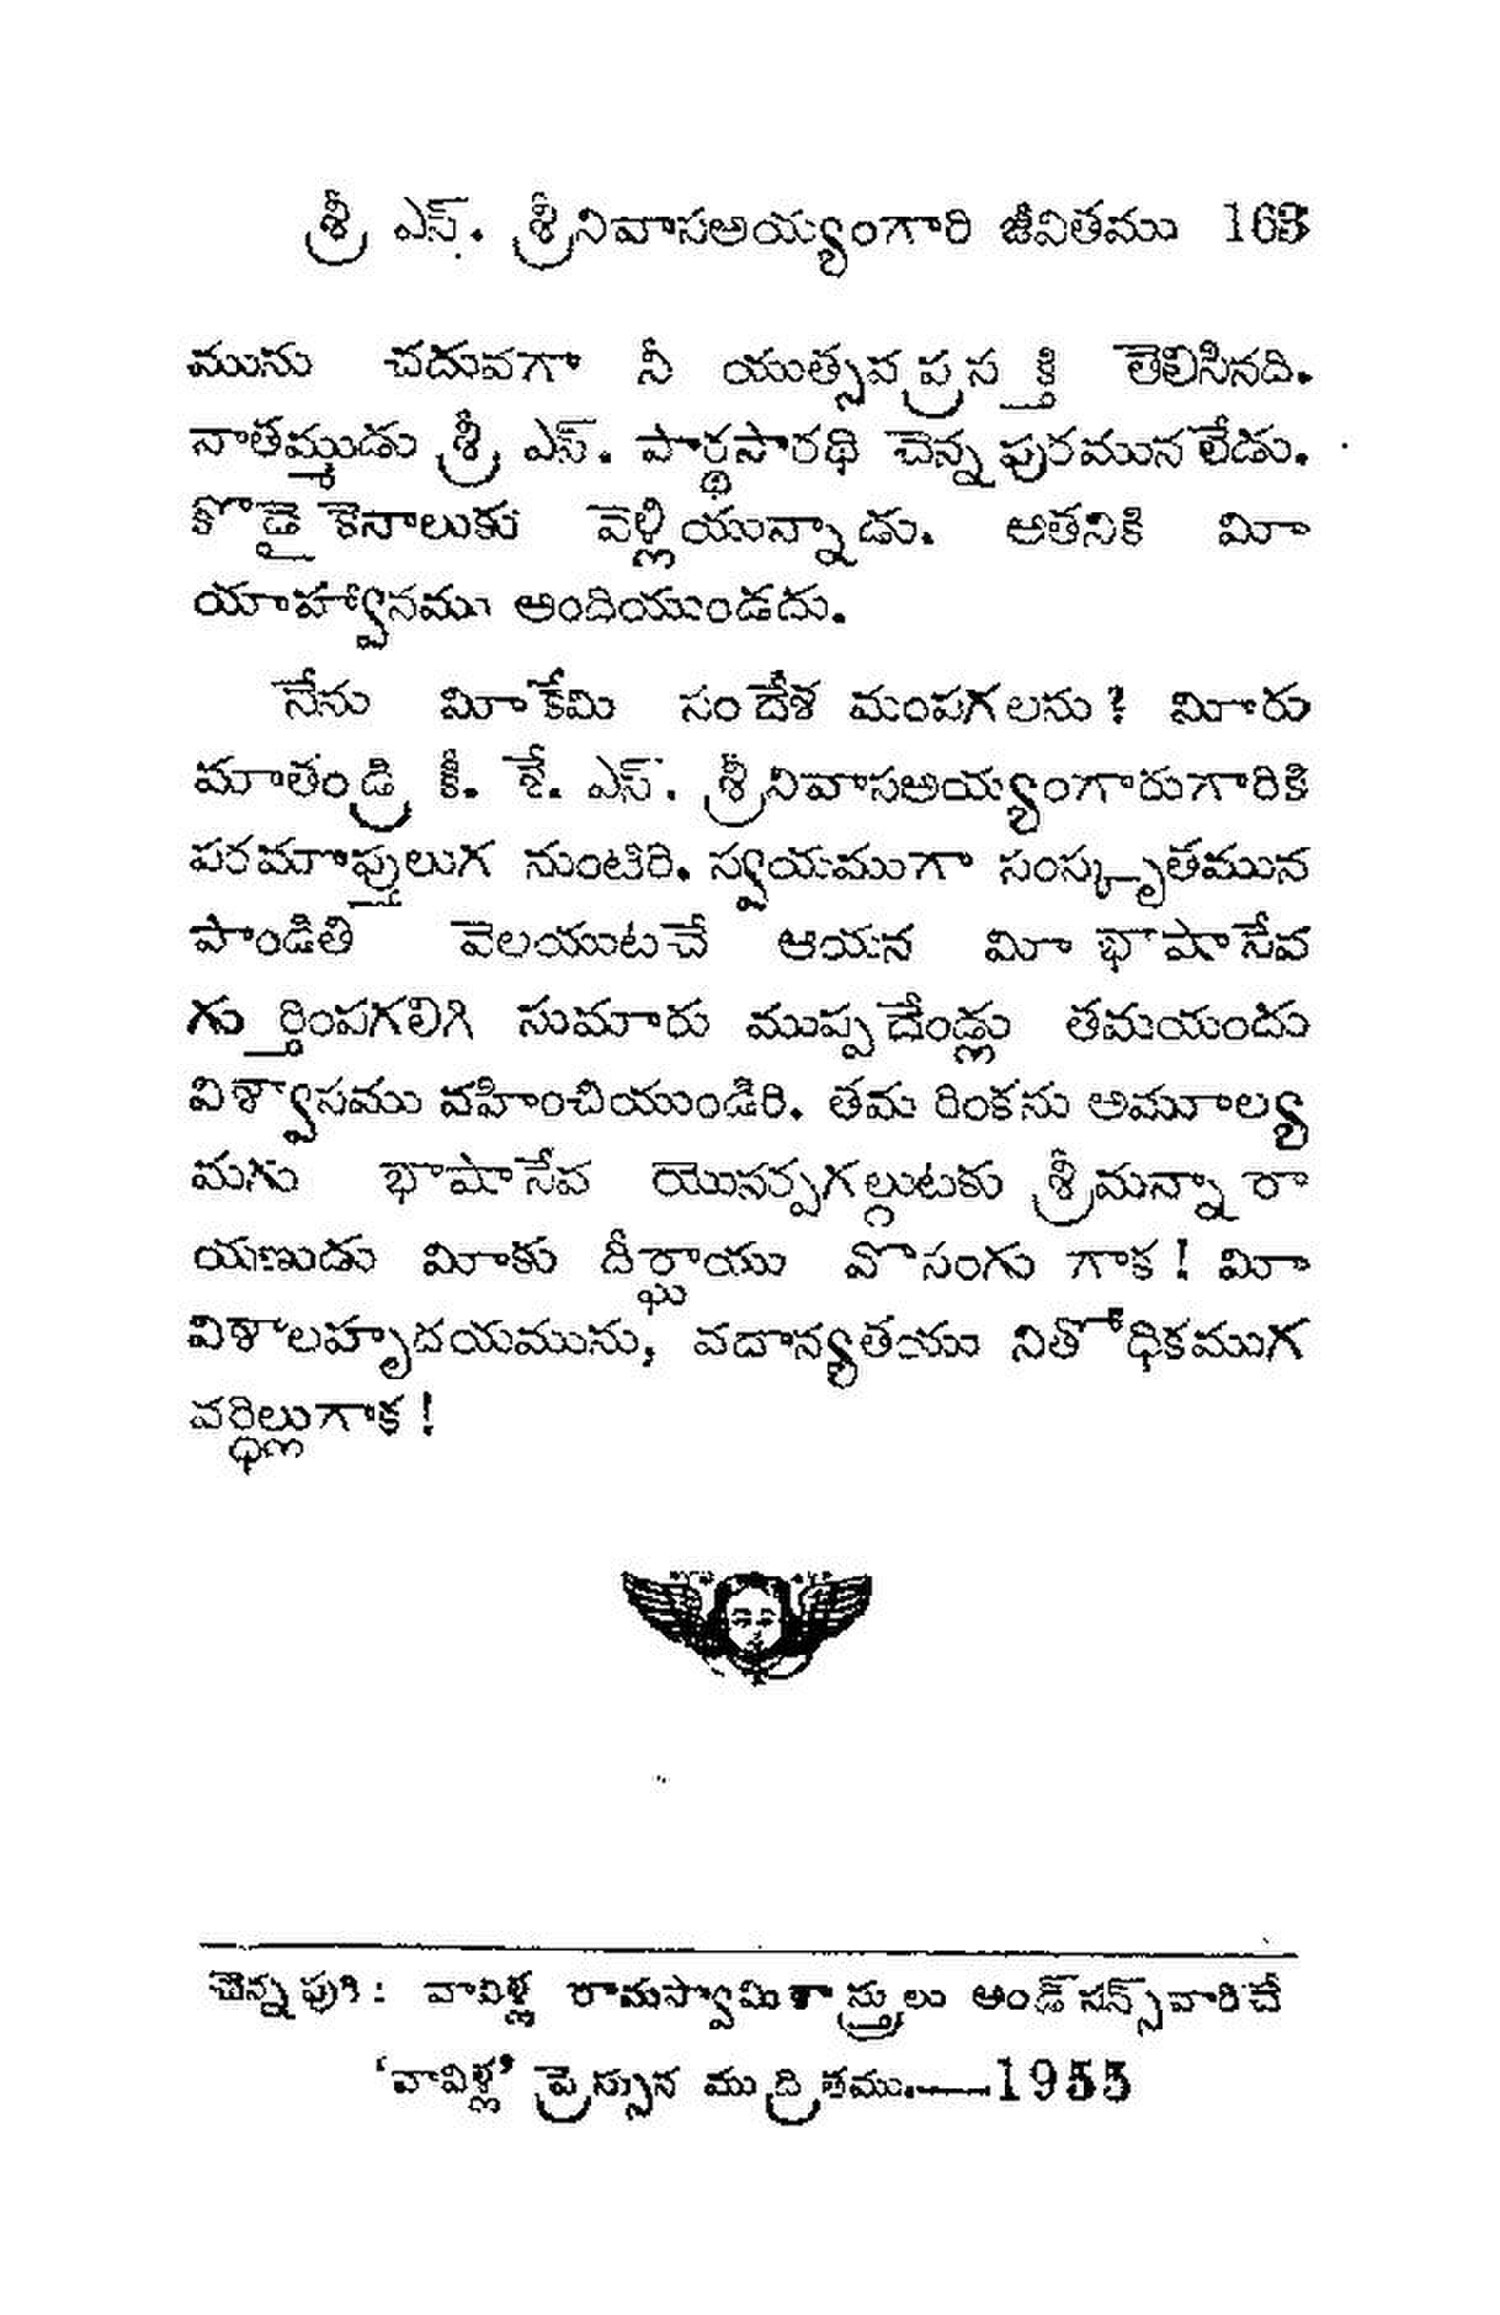మును చదువగా నీ యుత్సవప్రసక్తి తెలిసినది. నాతమ్ముడు శ్రీ ఎస్. పార్థసారథి చెన్నపురమునలేడు. కొడైకెనాలుకు వెళ్లియున్నాడు. అతనికి మీ యాహ్వానము అందియుండదు.

నేను మీకేమి సందేశ మంపగలను ? మిూరు మాతండ్రి, కీ. శే. ఎస్. శ్రీనివాసఅయ్యంగారుగారికి పరమాప్తులుగ నుంటిరి. స్వయముగా సంస్కృతమున పాండితి వెలయుటచే ఆయన మీ భాషాసేవ గుర్తింపగలిగి సుమారు ముప్పదేండ్లు తమయందు విశ్వాసము వహించియుండిరి. తమ రింకను అమూల్యమగు భాషాసేవ యొనర్పగల్గుటకు శ్రీమన్నారాయణుడు మీకు దీర్ఘాయు వొసంగు గాక ! మీ విశాలహృదయమును, వదాన్యతయు నితోధికముగ వర్ధిల్లుగాక !

చెన్నపురి: వావిళ్ల రామస్వామిశాస్త్రులు అండ్‌సన్స్‌వారిచే
'వావిళ్ల' ప్రెస్సున ముద్రితము. -1955